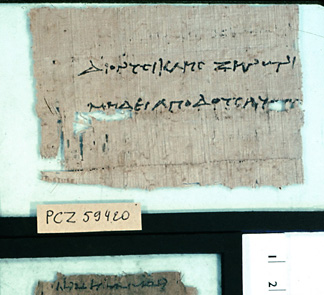διονυϲικληϲ ζηνωνι
μηδειαποδουϲαυτω